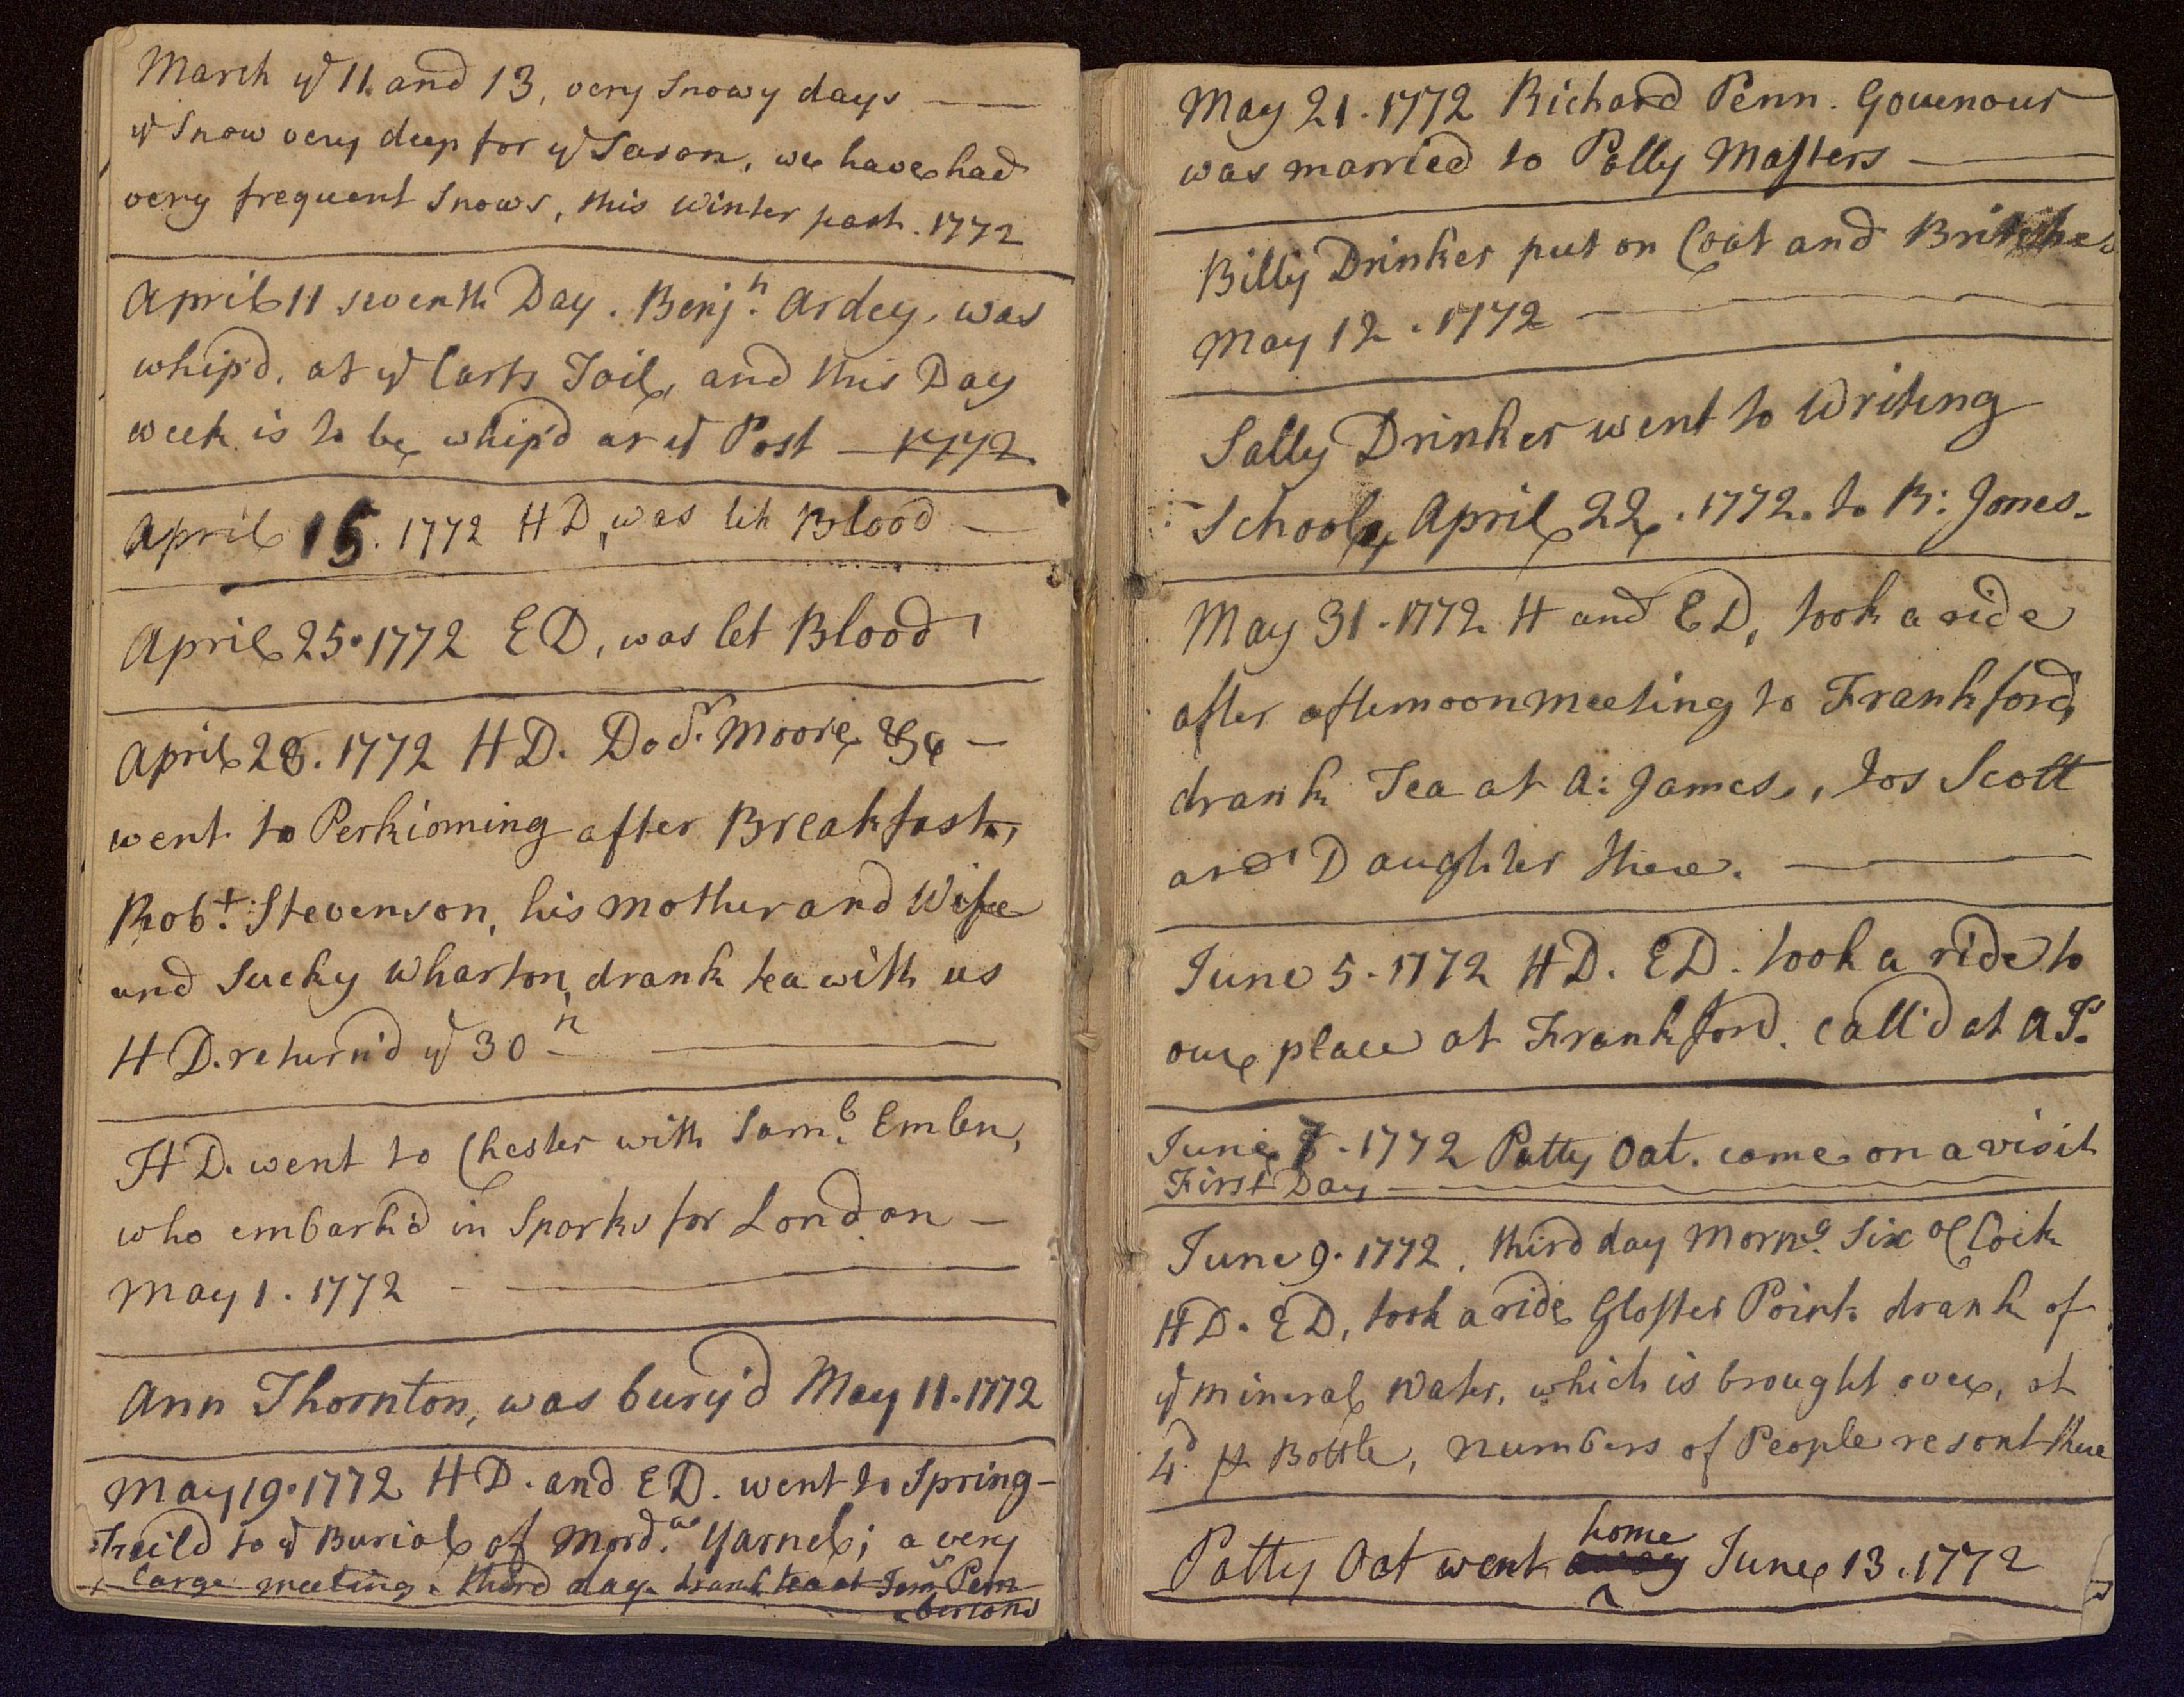March y^e 11 and 13, very Snowy days -
y^e snow very deep for y^e Season, we have had
very frequent Snows, this winter past. 1772
April 11 seventh Day. Benj^n. Ardey, was
whip'd, at y^e Carts Tail, and this Day
week is to be whip'd at y^e Post- 1772
April 15 1772 HD wis let Blood-
April 25. 1772 ED, was let Blood
April 28. 1772 HD. Doc^r. Moore &c-
went to Perkioming after Breakfast,
Rob^t. Stevenson, his mother and Wife
and Sucky Wharton, drank tea with us
HD. return'd y^e 30-
HD. went to Chester withSam^l Emlen,
who embark'd in Sporks for London-
May 1. 1772
Ann Thornton was bury'd May 11. 1772
May 19. 1772 HD and ED. went to Spring-
haild to y^e Burial of Mord^a Yarnel; a very
large meeting third day. drank tea at Tom^s Pem-
bertons
May 21 1772 Richard Penn. Govenour
was married to Polly Masters-
Billy Drinker put on Coat and Britches
May 12 1772 -
Sally Drinker went to Writing
School April 22. 1772. to R: Jones.
May 31. 1772 H and ED, took a ride
after afternoon meeting to Frankford,
drank Tea at A: James,, Jos Scott
and Daughter there.
June 5. 1772 HD. ED. took a ride to
our place at Frankford, call'd at AS.
June 7 - 1772 Patty Oat come on a visit
First Day
June 9. 1772 third day Morn^g. six oClock
HD. ED, took a ride Gloster Point. drank of
y^e mineral water, which is brought over, at
4^d. per Bottle, numbers of People resort there
home
Patty Oat went [away] ^ June 13. 1772